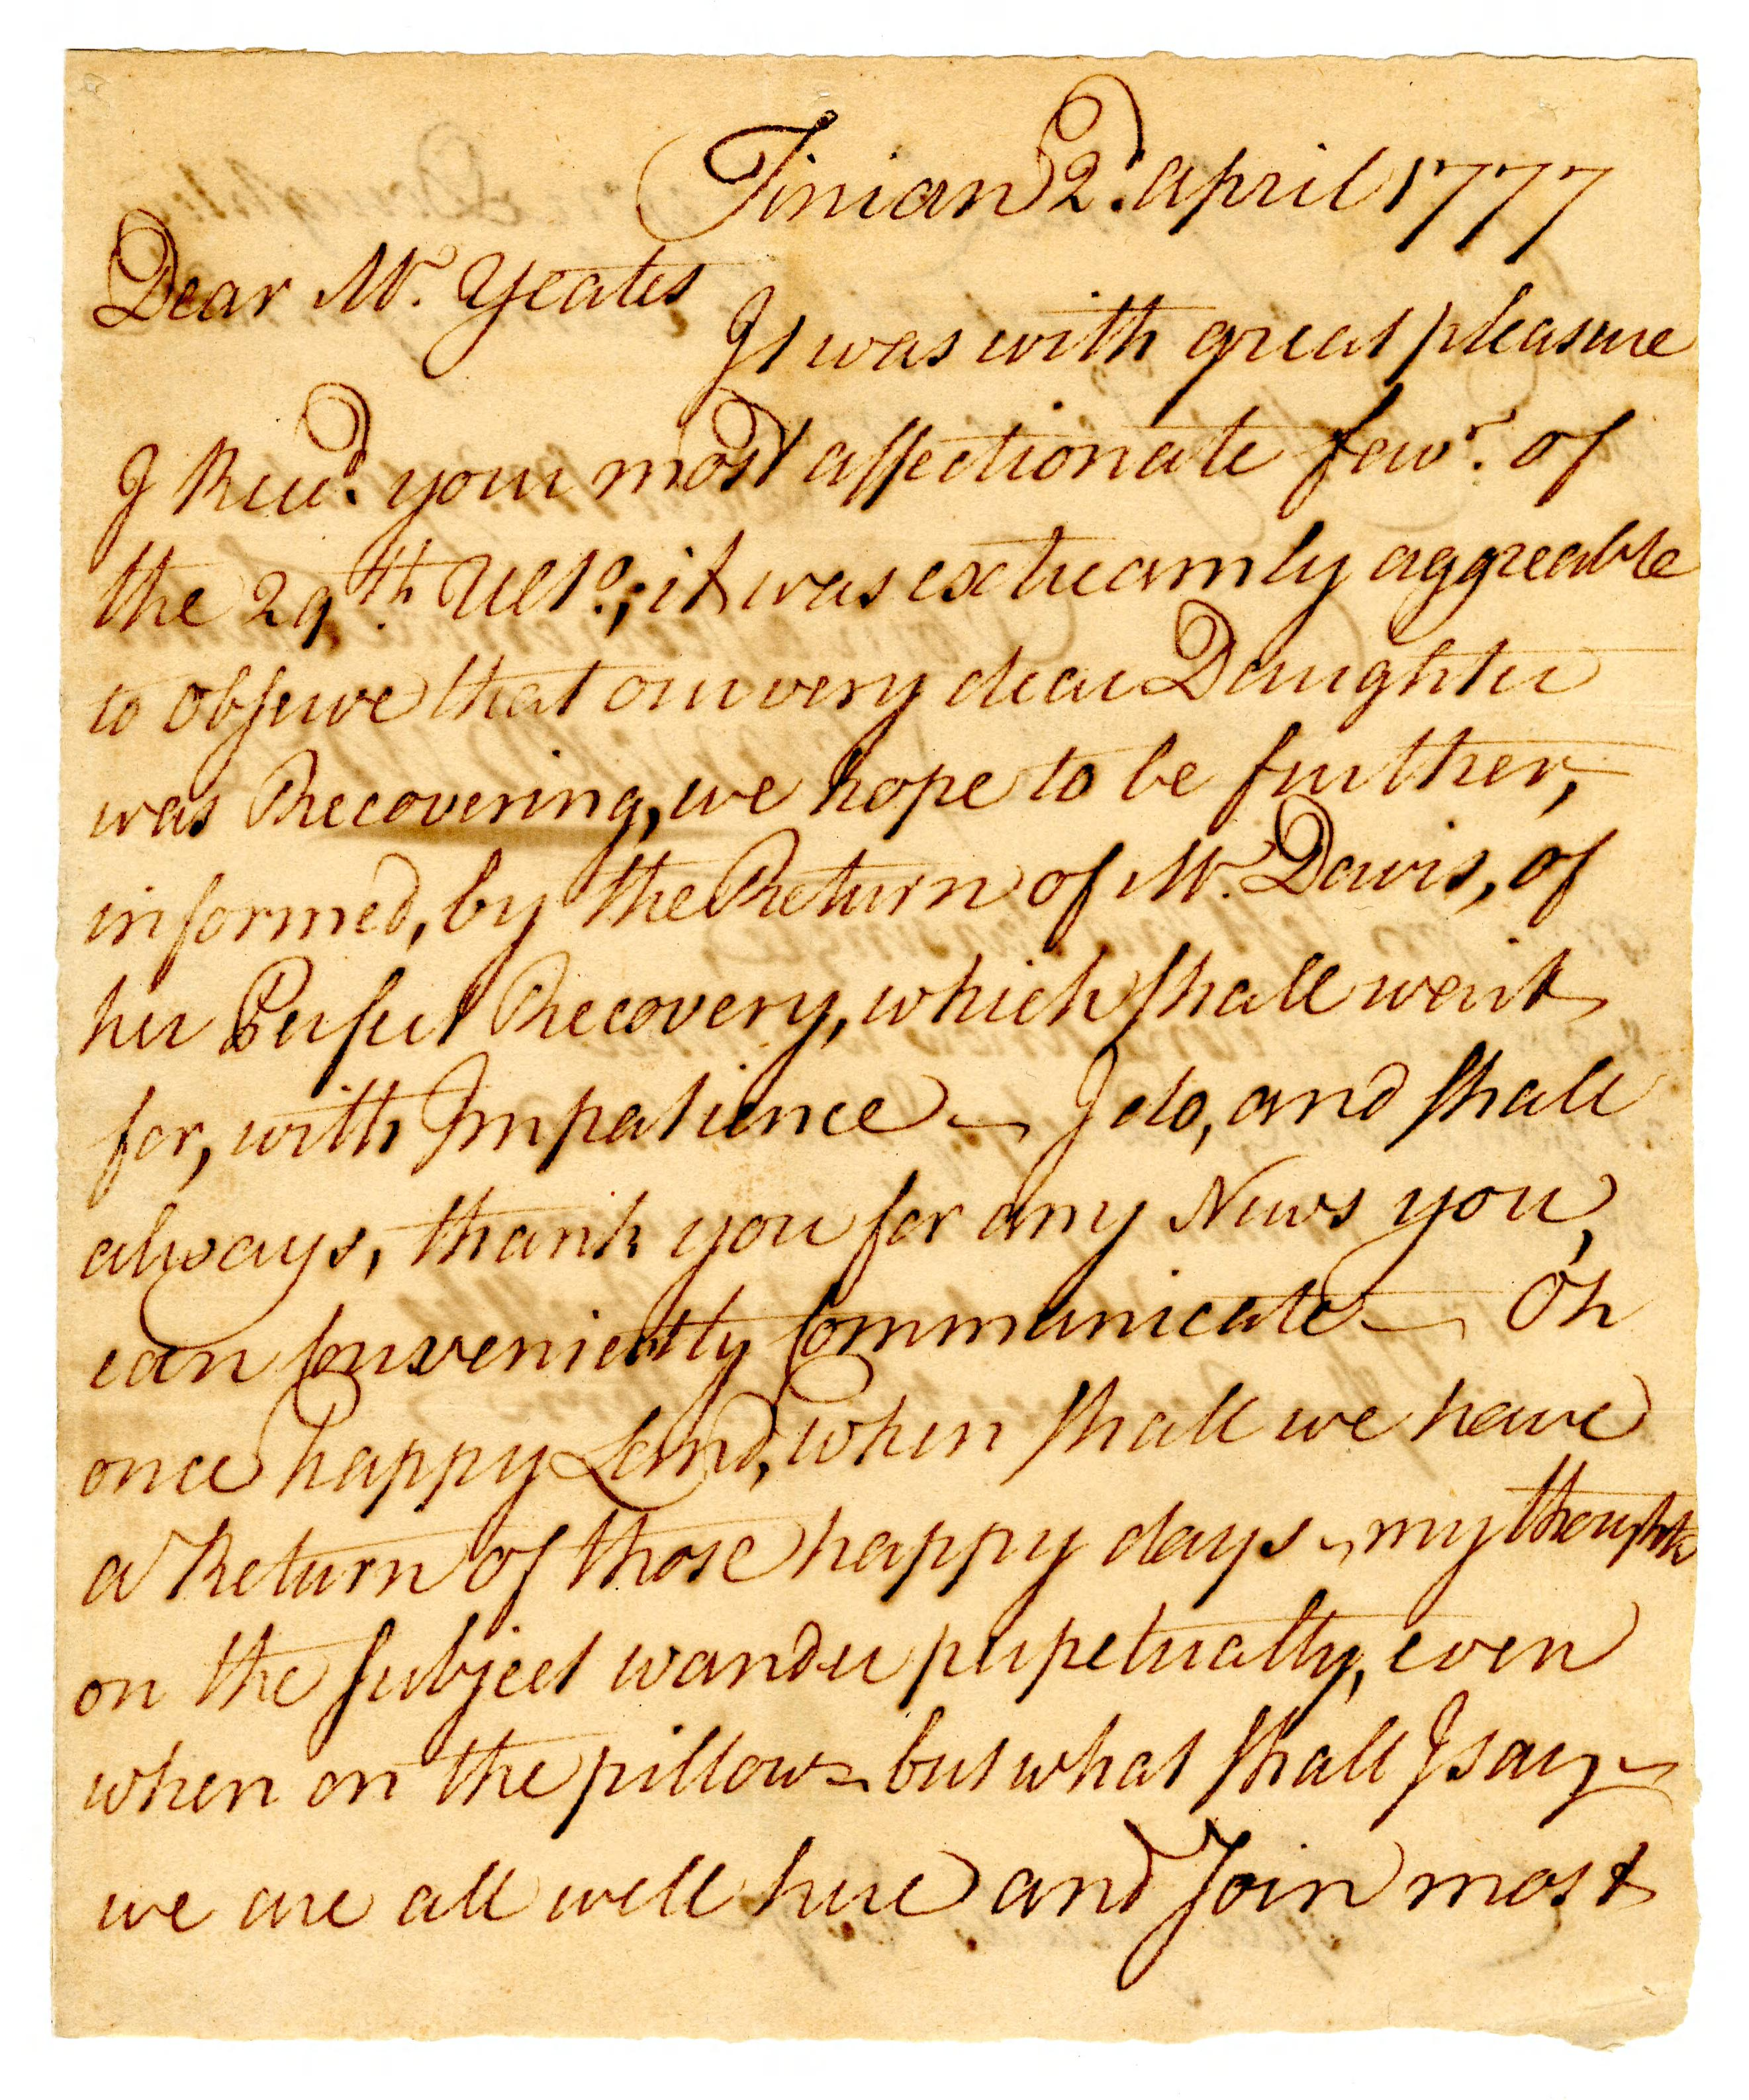Tinian 2^d. April 1777
Dear Mr. Yeates
It was with great pleasure
I rece^d. your most affectionate fav^r. of
the 29^th. Ult^o; it was extreamely aggreable
to observe that our very dear Daughter
was Recovering, we hope to be further,
informed, by the Return of M^r. Davis, of
her Perfect Recovery, which shall wait
for, with Impatience- I alo, and shall
always, thank you for any News you,
can conveniently Communicate- Oh
once happy Land, when shall we have
a Return of those happy days, my thoughts
on the subject wander perpetually, even
when on the pillow, but what shall I say,
we are all well here and join most